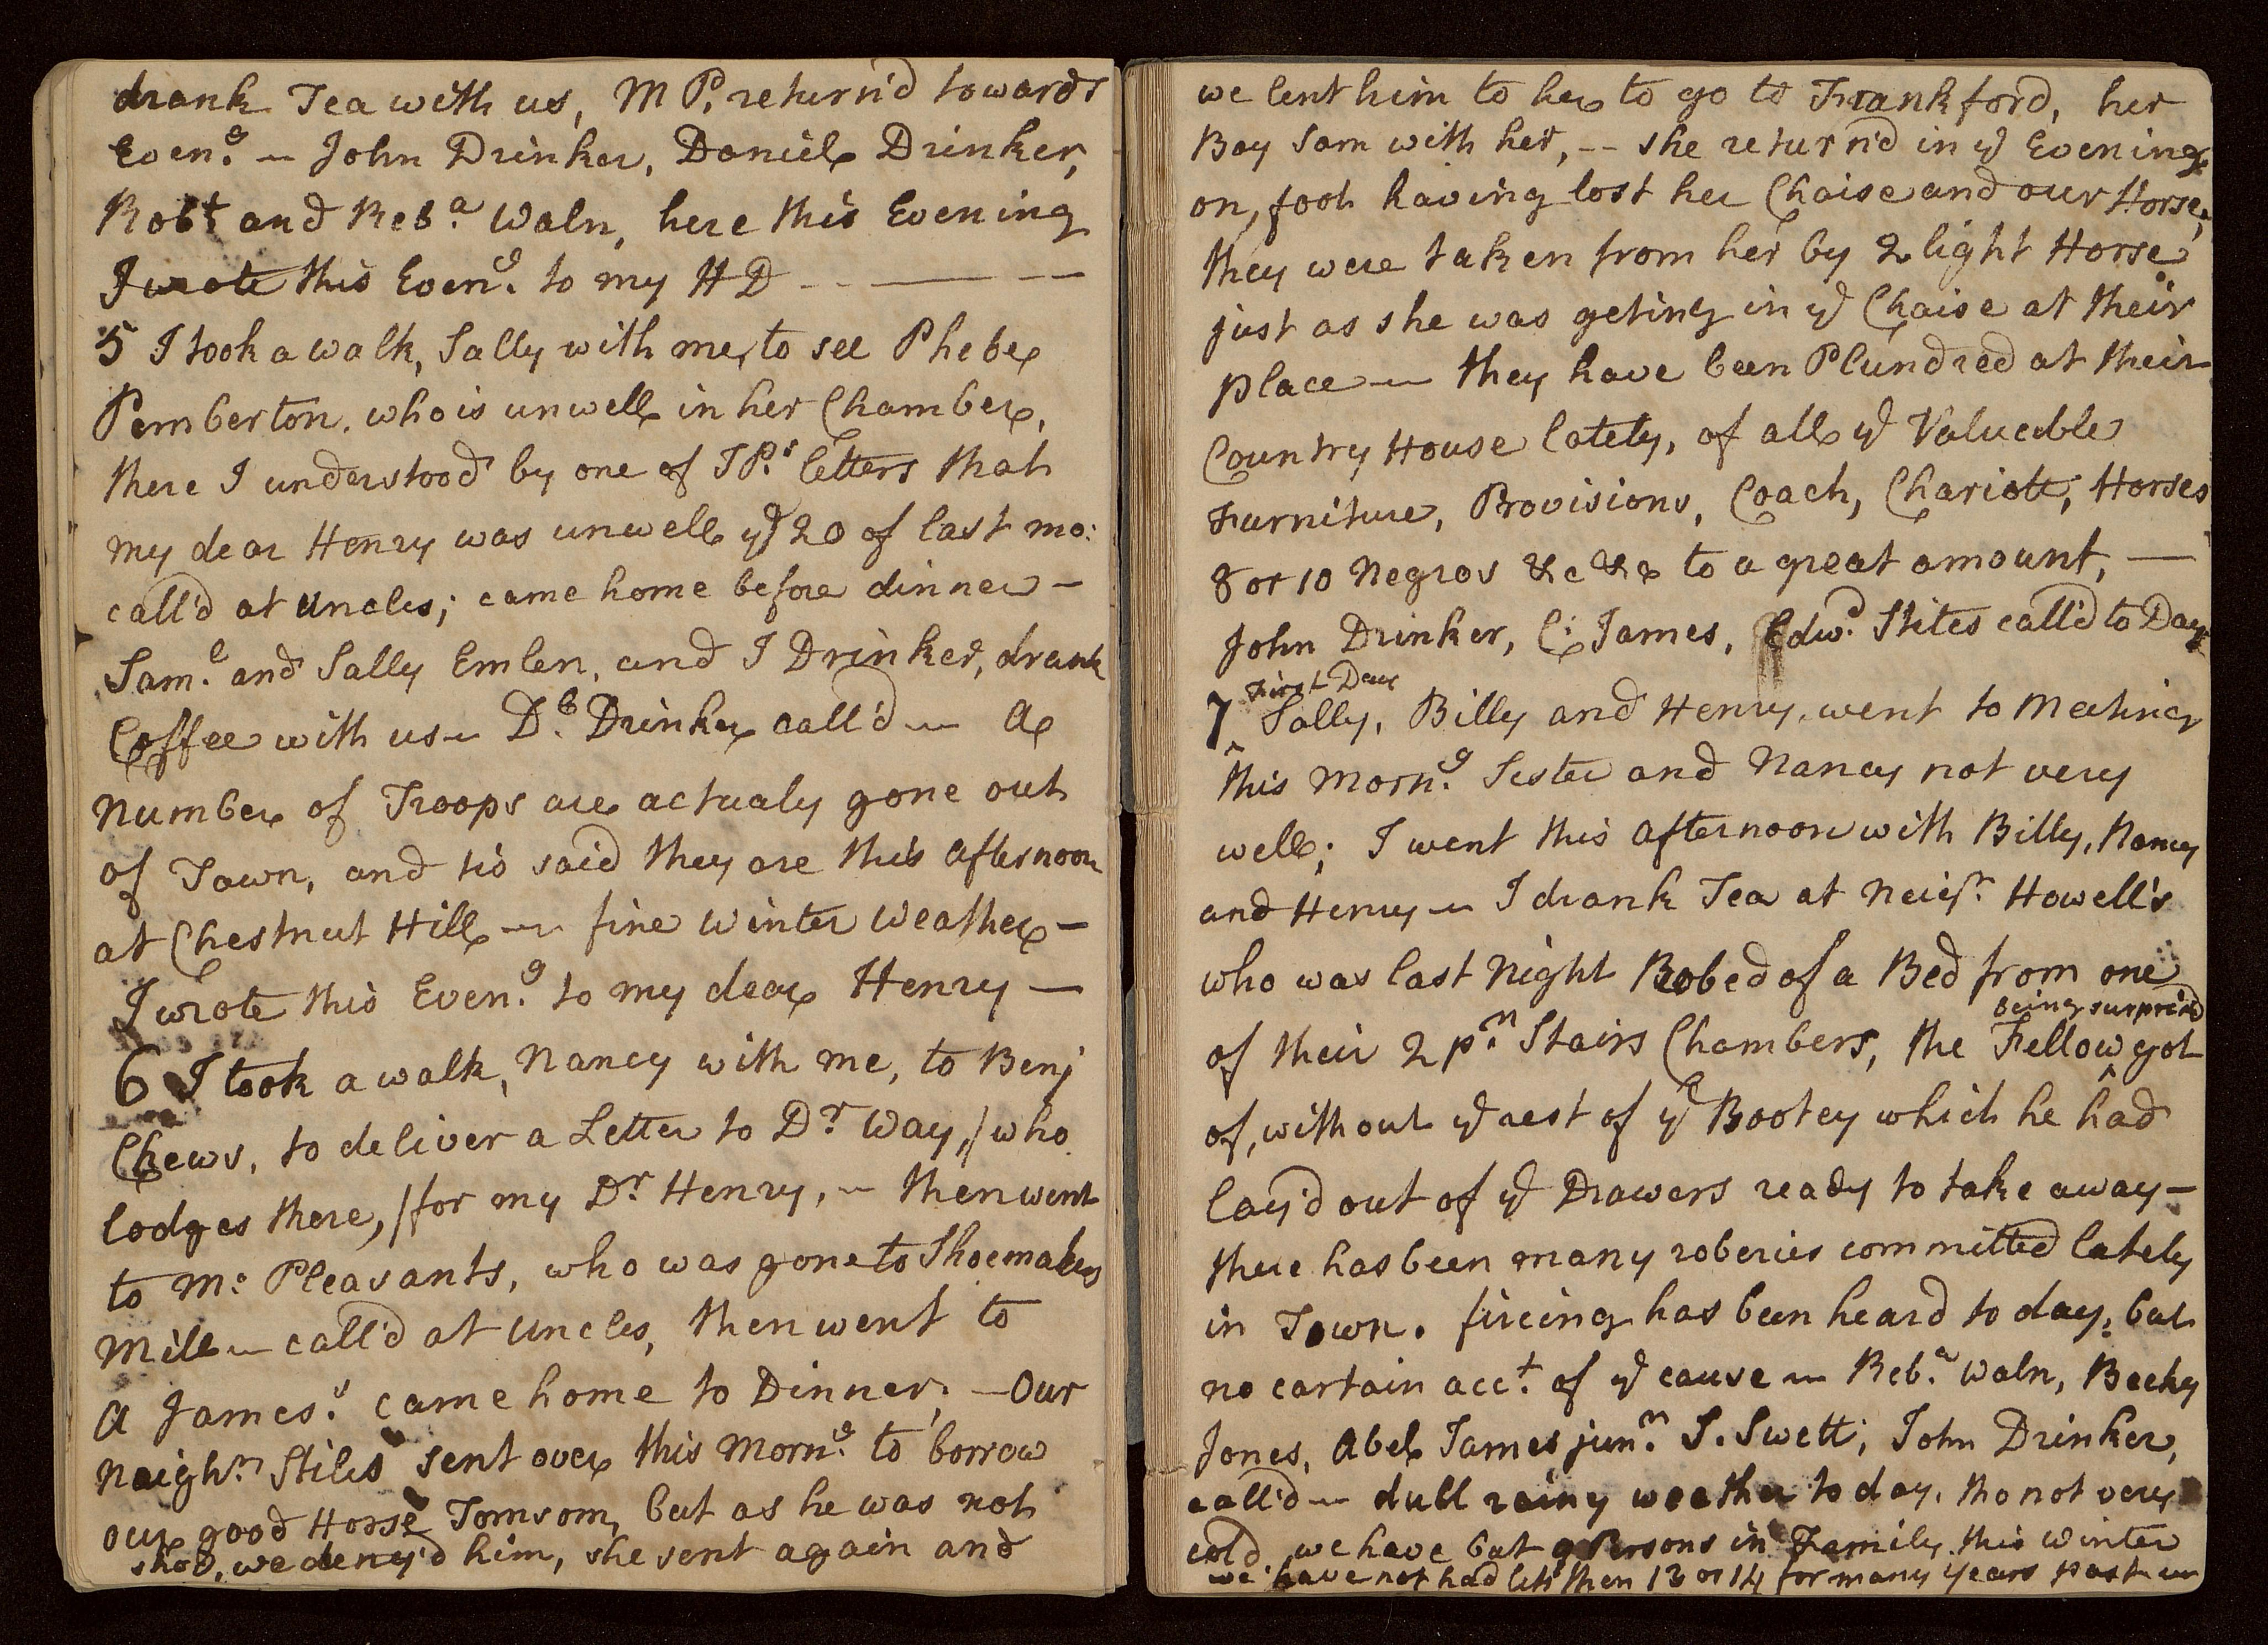drank Tea with us, M P. return'd towards
Even^g.- John Drinker, Daniel Drinker,
Robt and Reb^a. Waln, here this Evening
I wrote this Even^g. to my H D
5 I took a walk, Sally with me to see Phebe
Pemberton, who is unwell in her Chamber,
there I understood by one of SP^s. letters that
my dear Henry was unwell y^e 20 of last mo:
call'd at uncles; came home before dinner-
Sam^l. and Sally Emlen, and I Drinker, drank
Coffee with us- D^l. Drinker call'd- A
Number of Troops are actualy gone out
of Town, and tis said they are this afternoon
at Chestnut Hill- fine winter Weather-
I worte this Even^g. to my dear Henry-
6 I took a walk, Nancy with me, to Benj
Chews, to deliver a Letter to D^r. Way, /who
lodges there, /for my D^r. Henry,- then went
to M^o. Pleasants, who was gone to Shoemakers
Mile- call'd at Uncles, then went to
A James^s. came home to Dinner;- Our
Neigh^r. Stiles sent ever this Morn^g. to borrow
our good Horse Tomsom, but as he was not
shed we deny'd him, she sent again and
we lent him to bey to go to Frankford, her
Boy Sam with her,-- she return'd in y^e Evening
on, foot having lost her Chaise and our Horse,
they were taken from her by 2 light Horse
just as she was geting in y^e Chaise at their
place- they have been Plundred at their
Country House lately, of all y^e Valuable
Furniture, Provisions, Coach, Chariott, Horses
8 or 10 Negros &c to a great amount,-
John Drinker, C. James, Edw^d. Stites call'd to Day
First Day
7 ^ Sally, Billy and Henry, went to Meeting
this Morn^g. Sister and Nancy not very
well; I went this Afternoon with Billy, Nancy
and Henry- I drank Tea at Neig^r. Howell's
who was last Night Robed of a Bed from one,
being surprisd
of their 2 p^m. Stairs Chambers, the Fellow ^ got
of, without y^e rest of y^e Rootey which he had
lay'd out of y^e Drawers ready to take away-
there has been many roberies committed lately
in Town. fireing has been heard to day, but
no cartain acc^t. of y^e cause - Reb^a. Waln, Becky
Jones, Abel James jun^r. S. Swett; John Drinker,
call'd- dull rainy weather to day, tho not very
cold, we have but a Persons in Family this winter
we have not had less then 13 or 14 for many years past-